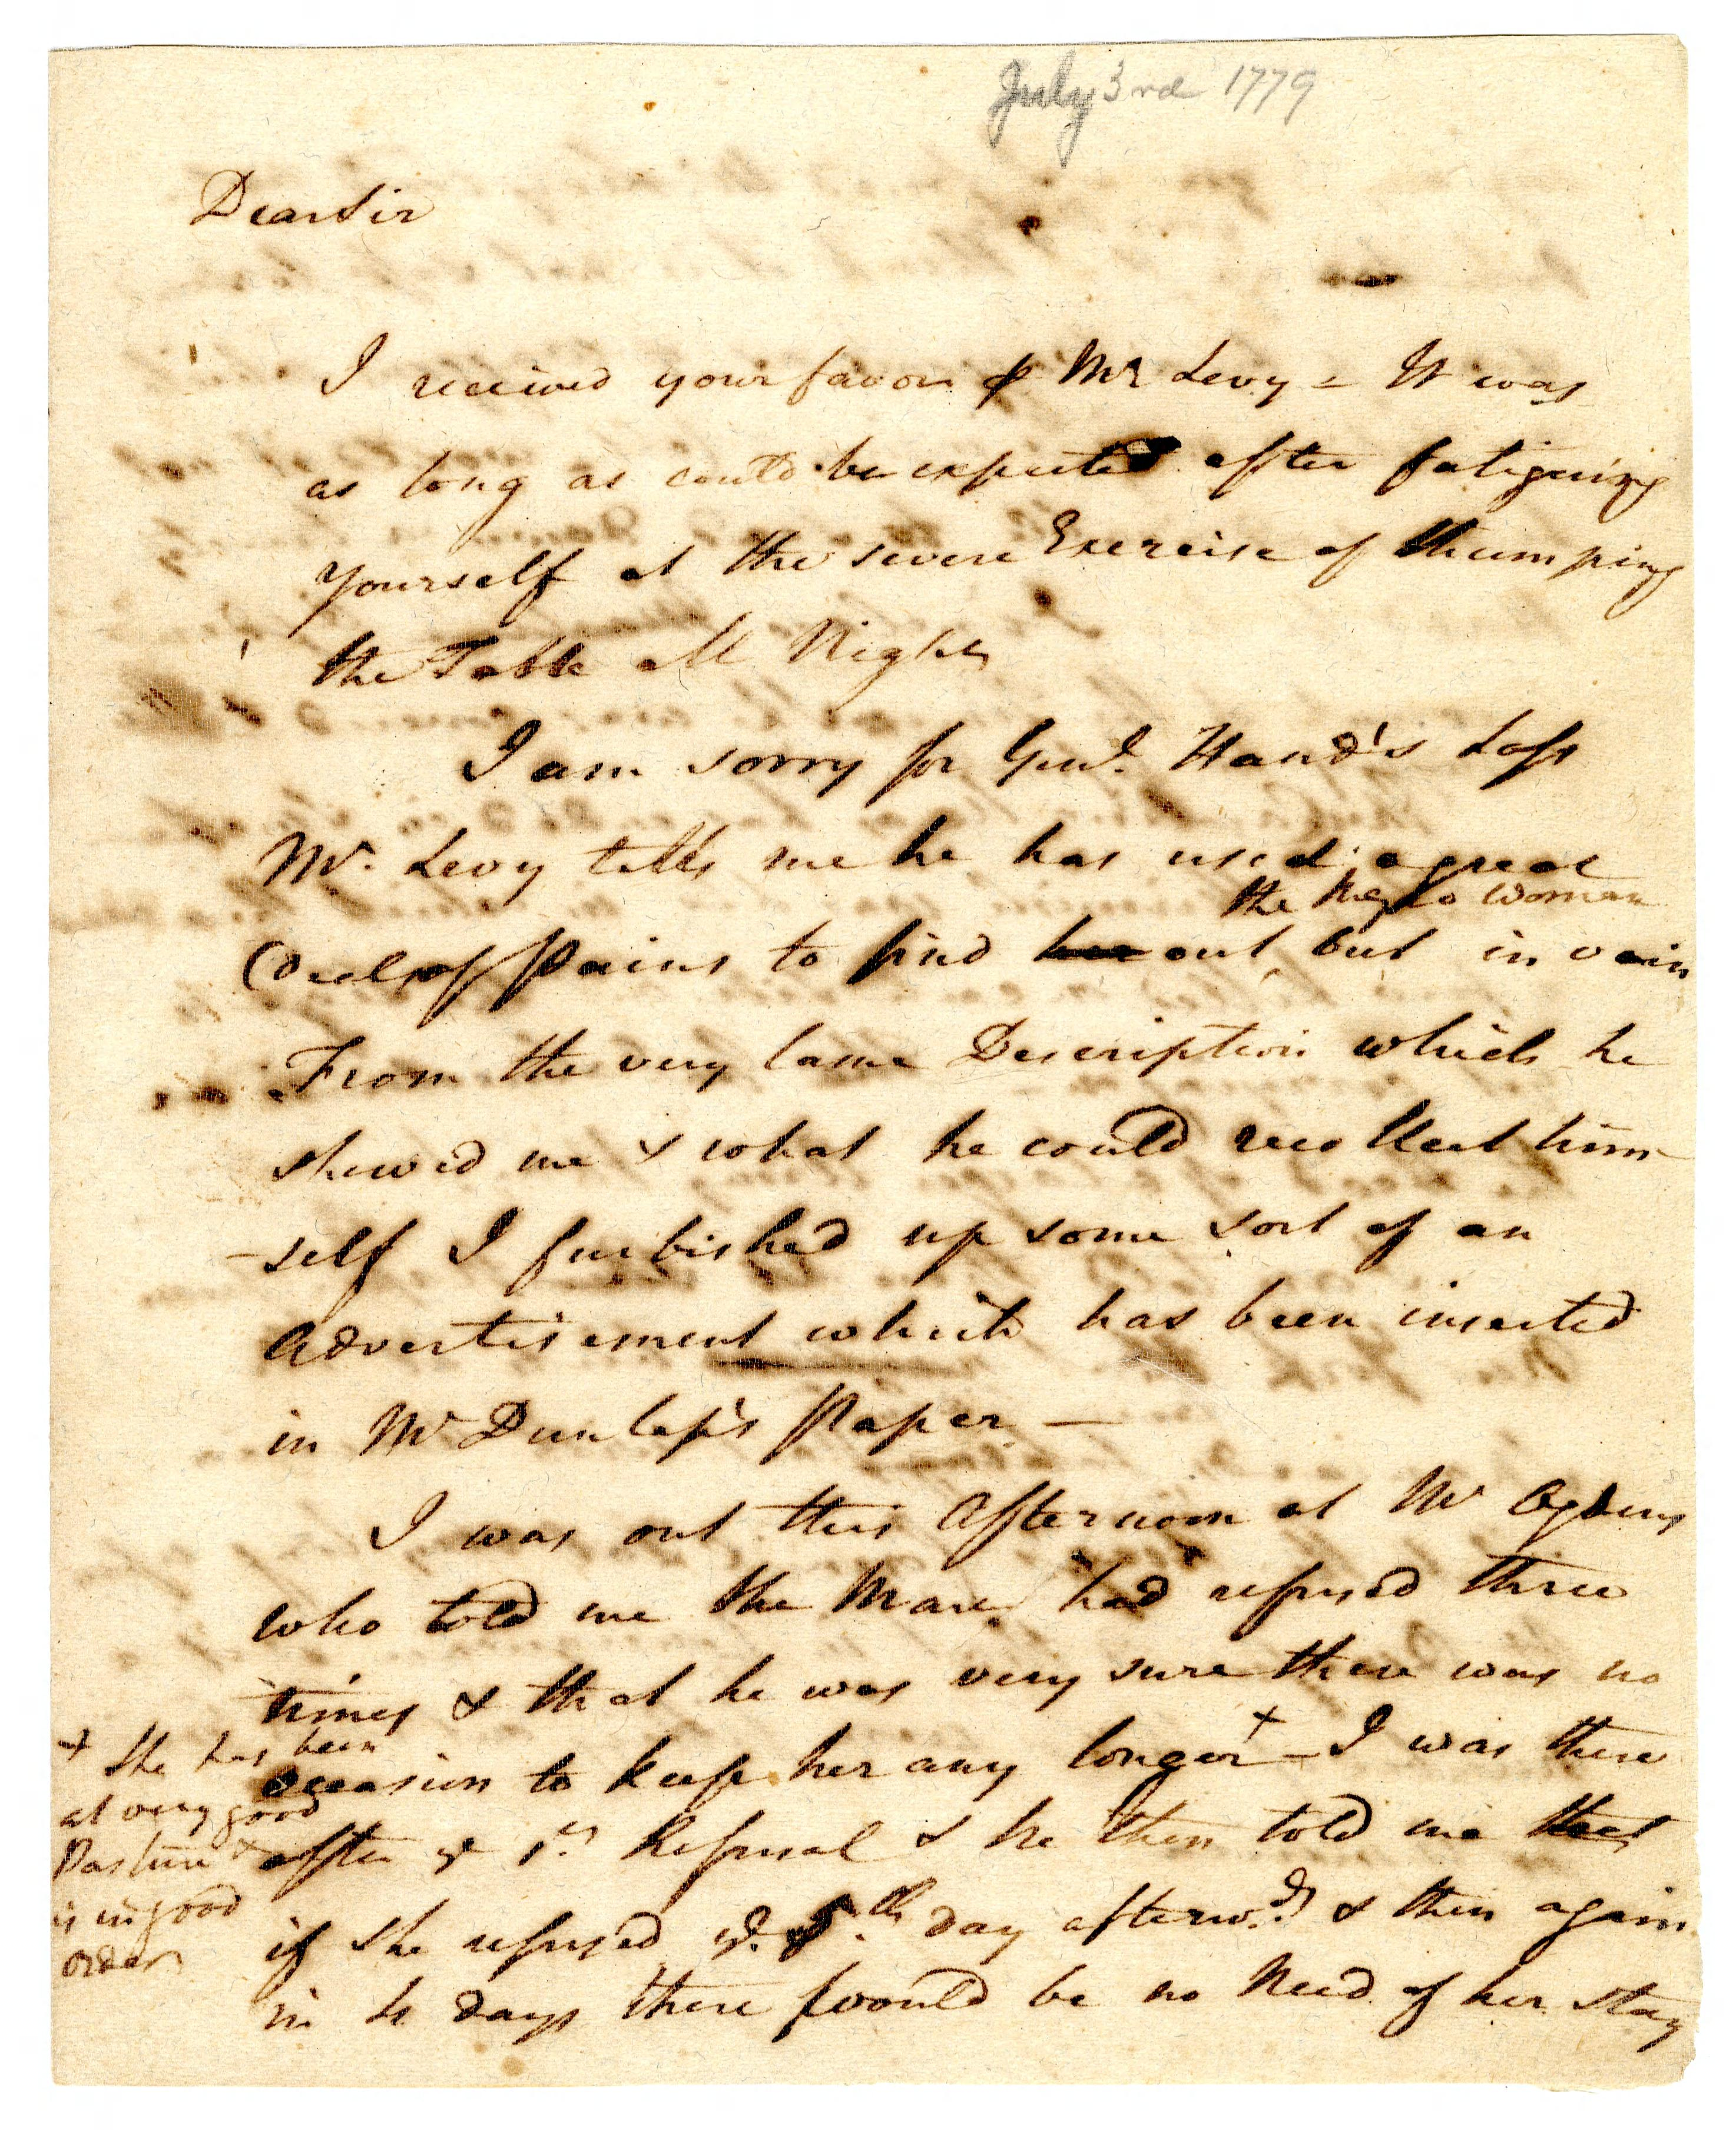Dear Sir
I received your favor per M^r Levy. It was
as long as could be expected after fatiguing
yourself at the severe Exercise of thumping
the Table all Night
I am sorry for Gen^l. Hand's Loss
M^r. Levy tells me he has used; a great
the Negro woman
Couel of pains to find her out ^ but in vain
From the very lame Description which he
shewed me & what he could recollect him-
-self I furbished up some sort of an
advertisement which has been invested
in M^r Dunlap's paper.
I was out this Afternoon at M^r Ogdens
who told me the Mare had reposed three
times & that he was very sure there was no
& she has been
reason to keep her any longer. I was there
at very good
after y^e 1^st Refusal & he then told me that
Pasture &
is in good
if she refused y^e. 5^th day afterw^ds & then again
order
in 4 days there would be no needer stay